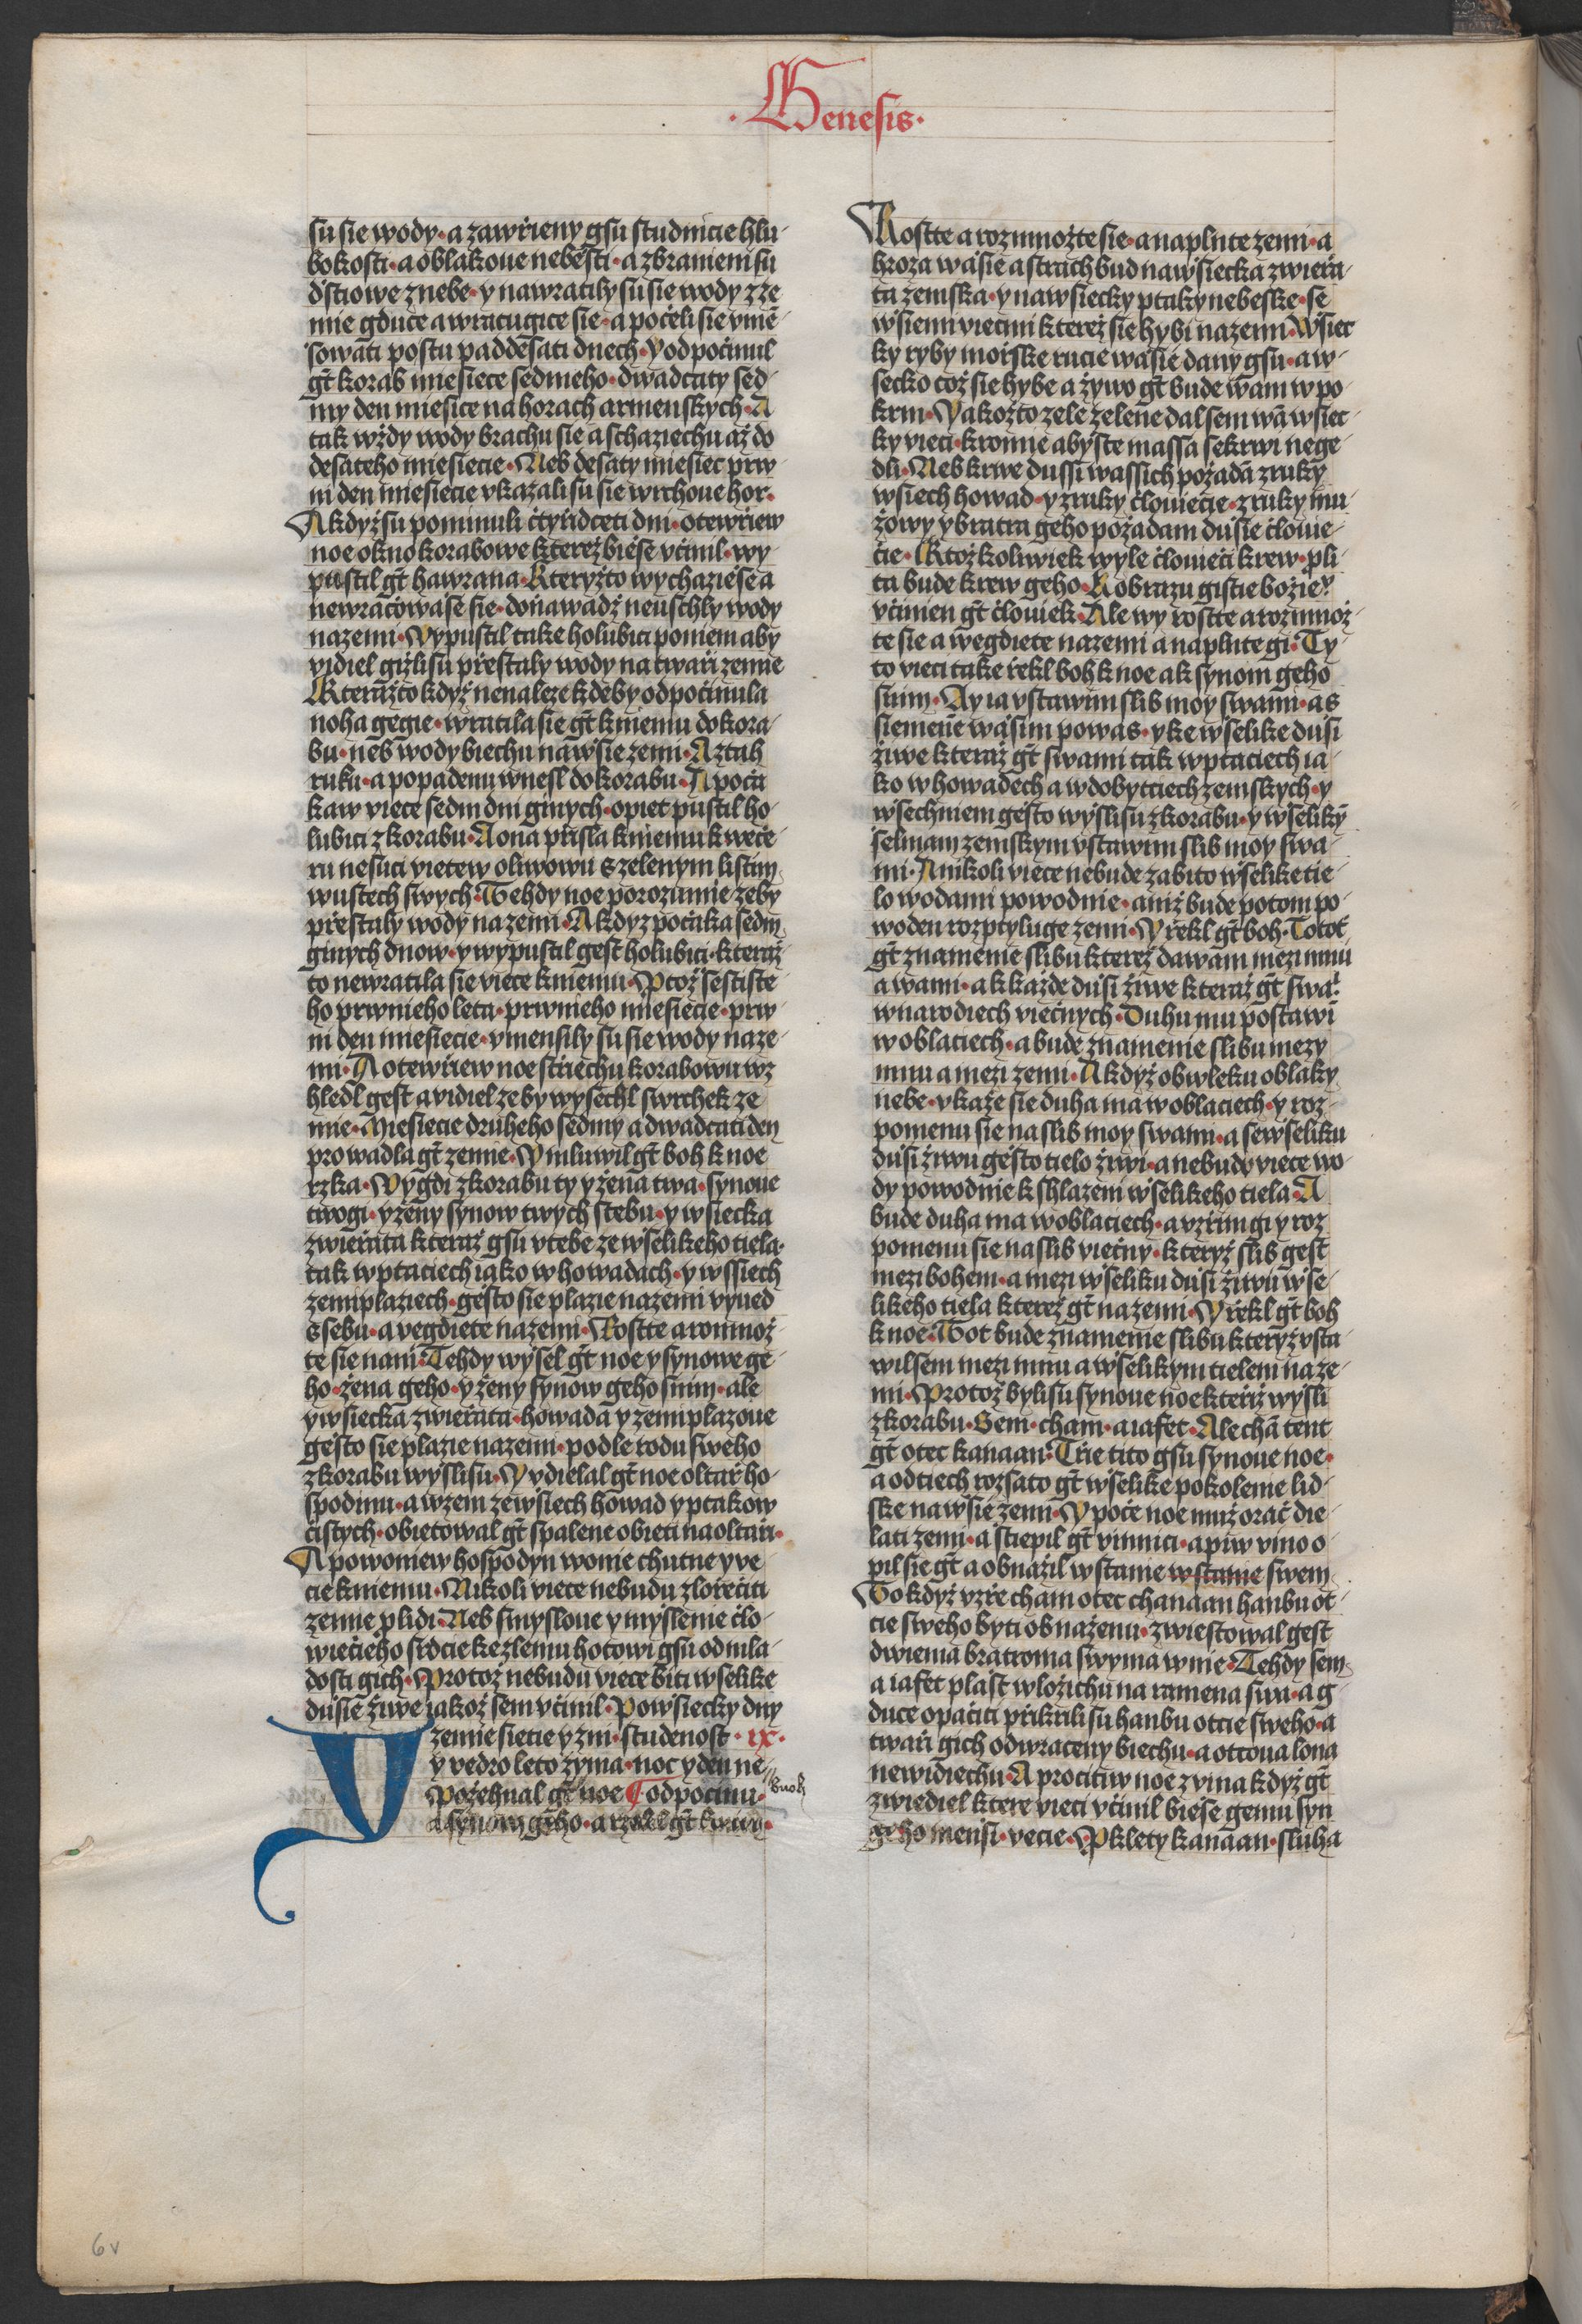.Geneſis.
ſu ſie wody.a zawṙieny gſu ſtudnicie hlu¬
bokoſti.a oblakoue nebeẛtí.a zbranieni ſu
dſtiowe znebe.y nawratily ſu ſie wody z ze¬
mie gduce a wratugice ſie.a poċeli ſie vmē
ẛowati poſtu paddeſati dnech.Yodpoċinul
ḡt korzab mieſiece ſedieho.dwadcaty ſed¬
my den míeſice na horach armenſkych.A
tak wżdy wody brachu ſie a ſchaziechu aż do
deſateho mieſiecie.Neb deſaty mieſiec prw¬
ni den mieſiecie vkazali ſu ſie wrchoue hor.
A kdyżſu pomimuli ċtyṙidceti dní.otewṙiew
noe okno korabowe ktereż bieẛe vċinil.wy¬
puſtil ḡt hawrana.Kteryżto wychazieẛe a
newracowaẛe ſie.doṅawadż neuſchly wody
nazemi.Vypuſtil take holubici poniem aby
vidiel giżliſu pṙeſtaly wody na twaṙí zemíe
Kterażto kdyż nenaleze kdeby odpoċinula
noha gegíe.wratila ſie ḡt kniemu dokora¬
bu.neb wody biechu nawẛie zemi.A ztah
ruku.a popadenu wneſl dokorabu.A poċa¬
kaw viece ſedm dni ginych.opiet puſtil ho¬
lubici zkorabu.A ona pṙiſla kniemu kweċe¬
ru neſuci vietew oliwowu s zelenym liſtím
wuſtech ſwych.Tehdy noe porozumie zeby
pṙeſtaly wody na zemí.A kdyż poċaka ſedm
ginych dnow.y wypuſtil geſt holubici.kteraż
to newratila ſie viece kníemu.Ꝓtoż ẛeſtiſte
ho prwníeho leta.prwnieho mieſiecie.prw¬
ni den mieſiecie.ymenſily ſu ſie wody naze¬
mi.A otewřiew noe ſtṙiechu korabowu wz¬
hledl geſt a vidiel ze by wyſechl ſwrchek ze¬
mie.Mieſiecie druheho ſedmy a dwadcati den
prowadla ḡt zemie.Y mluwil ḡt boh k noe¬
rzka.Vygdi zkorabu ty y żena twa.ſynoue
twogi.yżeny ſynow twych ſtebu.y wſiecka
zwieřata kteraž gſu vtebe ze wẛelikeho tiela.
tak wptacíech iako w howadach.y wſſiech
zemiplaziech.geẛto ſie plazie nazemi vyned¬
sſebu.a vegdiete nazemi.Roſtte a romnoż¬
te ſie nani.Tehdy wyẛel ḡt noe y ſynowe ge¬
ho.żena geho.y ženy ſynow geho ſním.ale
y wſiecka zwieṙata.howada y zemi plazoue
geẛto ſie plazie nazemi.podle rodu ſweho
zkorabu wyẛli ſu.Y vdielal ḡt noe oltaṙ ho¬
ſpodinu.a wzem zewẛiech howad yptakow
ċiſtych.obietowal ḡt ſpalene obieti naoltaṙi.
A powoniew hoſpodyn wonie chutne y ve¬
cie kniemu.Nikoli víece nebudu zloṙeċíti
zemie ꝓlidi.Neb ſmyſloue y myẛlenie ċlo¬
wieċieho ſrdcie ke zlemu hotowi gſu od mla¬
doſti gich.Protoż nebudij víece bíti wſelike
duẛie żiwe iakoż ſem vċinil.Powẛiecky dny
zemie ſietie y zní.ſtudenoſt. ix.
y vedro leto zyma.noc ydeſ ne¬
buoh
Pożehnal ḡt noe sodpocíí.
a ſyními geho.a rzibl ḡt boiwvl.
Roſtte a rozmnożte ſie. a naplnte zemi.a
hroza waẛie a ſtrach bud nawẛiecka zwieṙa¬
ta zemſka.y nawſiecky ptaky nebeſke.ſe
wẛiemi viecmi ktereż ſie hybi nazemi.Wſiec¬
ky ryby moṙſke rucie waẛie dany gſu.a w¬
ſecko coż ſie hybe a żywo ḡt bude wam w po¬
krm.Yakożto zele zelene dal ſem wā wſiec¬
ky vieci.kromie abyẛte maſſa ſekrwi nege¬
dli.Neb krwe duſſi waſſich pożadā zruky
wſiech howad.y zruky ċlouiecie.zruky mu¬
żowy ybratra geho pożadam duẛie ċlouie¬
ċie.Ktoż koliwiek wyle ċlouieċí krew.ꝓli¬
ta bude krew geho.K obrazu giſtie bożiev
vċinien ḡt ċlouiek.Ale wy roſtte a rozmnoż¬
te ſie a wegdiete nazemi a naplnte gi.Ty¬
to vieci take ṙekl boh k noe ak ſynom geho
ſnim.Ay ia vſtawim ſlib moy ſwamí.a s¬
ſiemenē waẛim powas.yke wẛelike duẛi
żiwe kteraż ḡt ſwami tak wptaciech ia¬
ko w howadech a w dobytciech zemſkych.y
wẛechniem geẛto wyẛliſu zkorabu.y wẛelikȳ
ẛelmam zemſkym vſtawim ſlib moy ſwa¬
mi.A nikoli viece nebude zabito wẛelike tie¬
lo wodami powodnie.aniż bude potom po¬
woden rozptyluge zemi.Y ṙekl ḡt boh.Totoṫ
ḡt znameníe ſlibu ktereż dawaní mezi mnú
a wami.a k każde duẛi żiwe kteraż ḡt ſwāi.
wnarodiech vieċnych.Duhu mu poſtawī
w oblaciech.a bude znameníe ſlibu mezy
mnu a mezi zemi.A kdyż obwleku oblaky
nebe.vkaże ſie duha ma w oblaciech.y roz¬
pomenu ſie na ſlib moy ſwamí.a ſewẛeliku
duẛi żiwu geẛto tielo żiwí.a nebudy víece wo¬
dy powodnie k ſhlazení wẛelikeho tiela.A
bude duha ma woblaciech.a vzṙím gi y roz¬
pomenu ſie naſlib vieċny.kteryż ſlib geſt
mezi bohem.a mezi wẛeliku duẛi żiwú wẛe¬
likeho tiela ktereż ḡt nazemi.Y ṙekl ḡt boh
knoe.Tot bude znamenie ſlibu kteryż vſta¬
wilſem mezi mnu a wẛelikym tielem na ze¬
mi.Protoż byli ſu ſynoue noe kteṙiż wyẛl̇i
zkorabu.Sem.cham.a iaſet. Ale chā tent¬
ḡt otec kanaan.Tṙie tito gſu ſynoue noe.
a odtiech rozſato ḡt wẛelike pokolenie lid¬
ſke nawẛie żemi.Y poċe noe muż oraċ die¬
lati zemí.a ẛtiepil ḡt vinnici.a piw víno o¬
vil ſie ḡt a obnażil wſtanie wſtanie ſwem
Do kdyż vzṙe cham otec chanaan hanbu ot¬
cie ſweho byti obnażenu.zwieſtowal geſt
dwiema bratroma ſwyma wnie.Tehdy ſem.
a iafet plaẛt wlożíchu na ramena ſwa.a g¬
duce opačiti pṙikṙili ſu hanbu otcie ſweho.a
twaṙí gich odwraceny biechu.a otcona lona
newidiechu.A procitiw noe z vina když ḡt
zwiediel ktere vieci vċinil bieẛe gemu ſyn
geho menẛi.vecie.Ꝓklety kanaan.ſluha